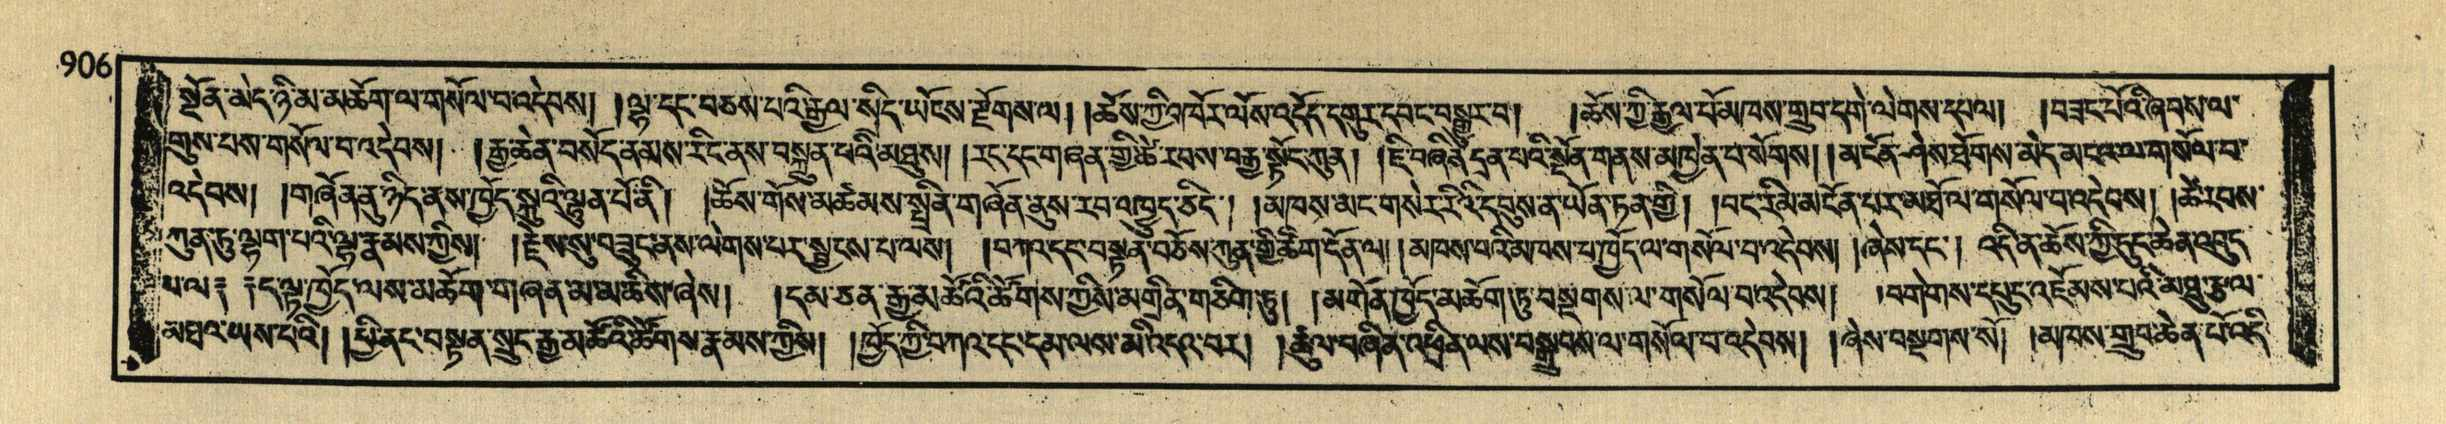སྔོན་མེད་ཉི་མ་མཆོག་ལ་གསོལ་བ་འདེབས། །ལྷ་དང་བཅས་པའི་རྒྱལ་སྲིད་ཡོངས་རྫོགས་ལ། །ཆོས་ཀྱི་འཁོར་ལོས་འདོད་དགུར་དབང་བསྒྱུར་བ། །ཆོས་ཀྱི་རྒྱལ་པོ་མཁས་གྲུབ་དགེ་ལེགས་དཔལ། །བཟང་པོའི་ཞབས་ལ་
གུས་པས་གསོལ་བ་འདེབས། །རྒྱ་ཆེན་བསོད་ནམས་རིང་ནས་བསྐྲུན་པའི་མཐུས། །རང་དང་གཞན་གྱི་ཚེ་རབས་བརྒྱ་སྟོང་ཀུན། །ཇི་བཞིན་དྲན་པའི་སྔོན་གནས་མཁྱེན་པ་སོགས། །མངོན་ཤེས་ཐོགས་མེད་མངའ་ལ་གསོལ་བ་
འདེབས། །གཞོན་ནུ་ཉིད་ནས་ཁྱོད་སྐུའི་ལྷུན་པོ་ནི། །ཆོས་གོས་མཚམས་སྤྲིན་གཞོན་ནུས་རབ་འཁྱུད་ཅིང་། །མཁས་མང་གསེར་རིའི་དབུས་ན་ཡོན་ཏན་གྱི། །བང་རིམ་མངོན་པར་མཐོལ་གསོལ་བ་འདེབས། །ཚེ་རབ་
ཀུན་ཏུ་ལྷག་པའི་ལྷ་རྣམས་ཀྱིས། །རྗེས་སུ་བཟུང་ནས་ལེགས་པར་སྦྱངས་པ་ལས། །བཀའ་དང་བསྟན་བཅོས་ཀུན་གྱི་ཚིག་དོན་ལ། །མཁས་པའི་མཁས་པ་ཁྱོད་ལ་གསོལ་བ་འདེབས། །ཞེས་དང་། འདི་ན་ཆོས་ཀྱི་དུང་ཆེན་འབུད་
པ་ལ༑ ༑ད་ལྟ་ཁྱོད་ལས་མཆོག་གཞན་མ་མ་ཆིས་ཞེས། །དམ་ཅན་རྒྱ་མཚོའི་ཚོགས་ཀྱིས་མགྲིན་གཅིག་ཏུ། །མགོན་ཁྱོད་མཆོག་ཏུ་བསྔགས་ལ་གསོལ་བ་འདེབས། །བགེགས་དཔུང་འཇོམས་པའི་མཐུ་རྩལ་
མཐའ་ཡས་པའི། །ཕྱི་ནང་བསྟན་སྲུང་རྒྱ་མཚོའི་ཚོགས་རྣམས་ཀྱིས། །ཁྱོད་ཀྱི་བཀའ་དང་དམ་ལས་མི་འདའ་བར། །ཚུལ་བཞིན་འཕྲིན་ལས་བསྒྲུབས་ལ་གསོལ་བ་འདེབས། །ཞེས་བསྔགས་སོ། །མཁས་གྲུབ་ཆེན་པོ་འདི་